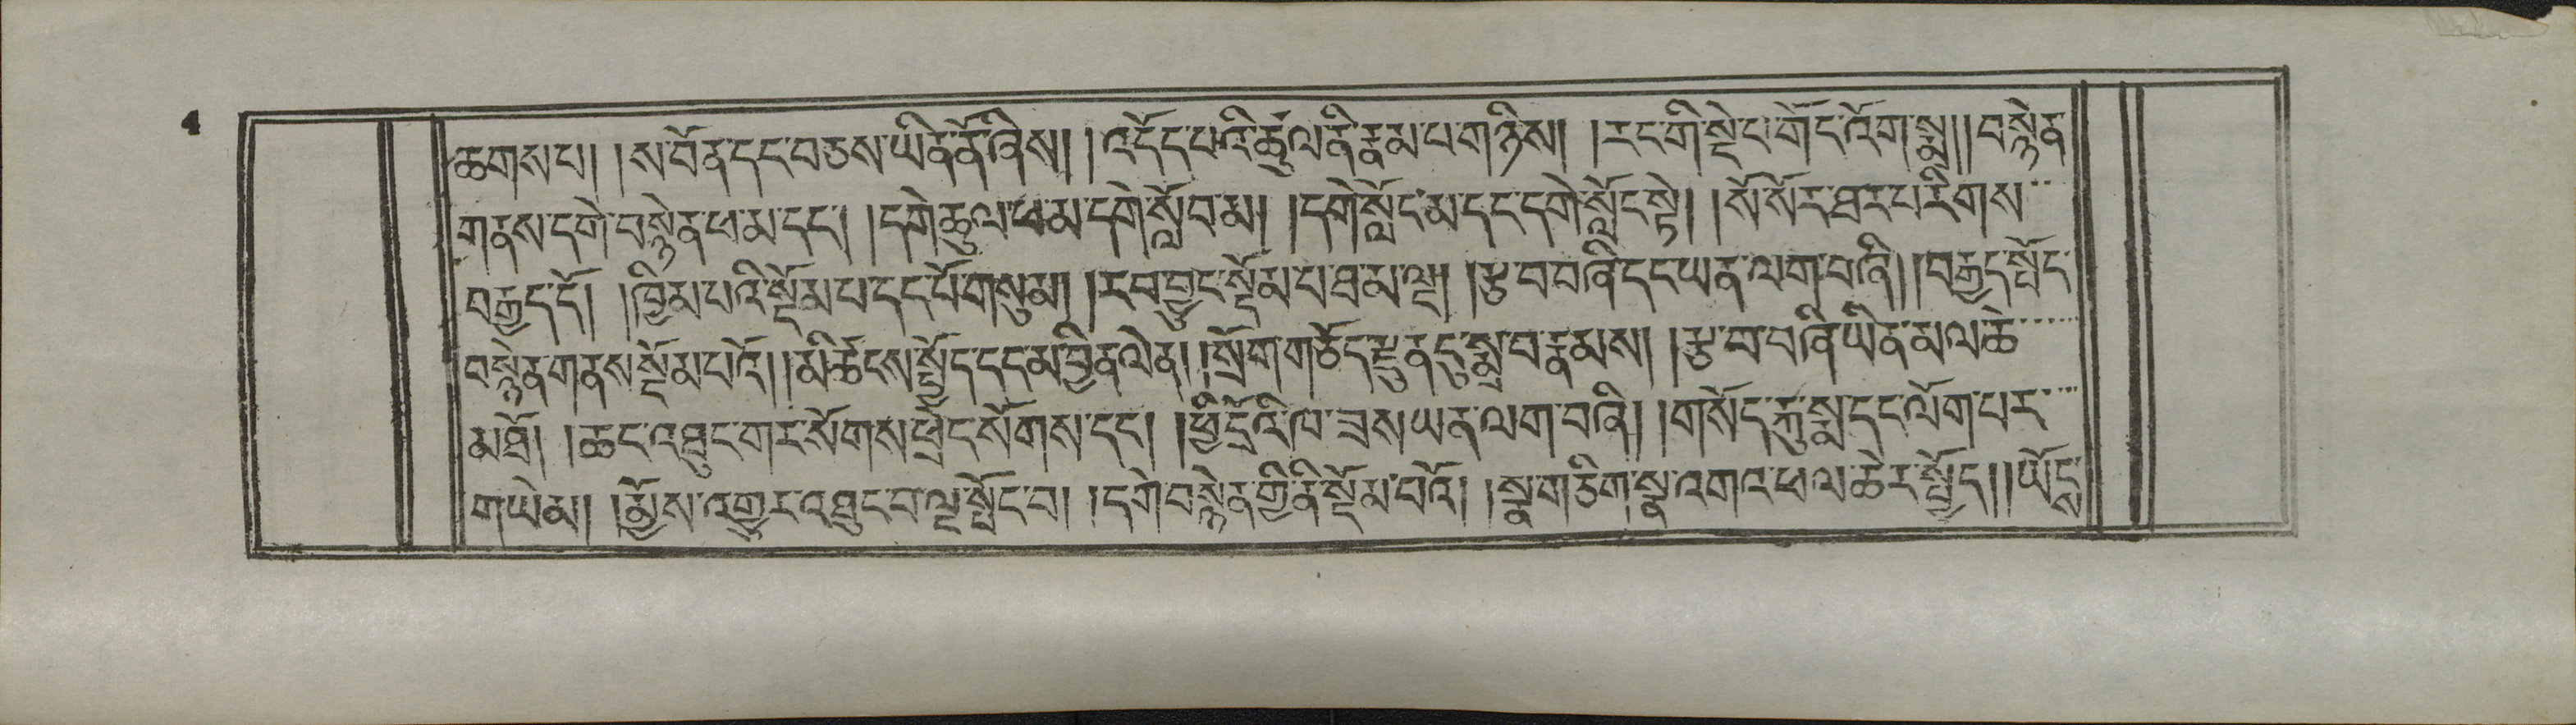ཆགས་པ། །ས་བོན་དང་བཅས་ཡིན་ནོ་ཞིས། །འདོད་པའི་ཚུལ་ནི་རྣམ་པ་གཉིས། །རང་གི་སྡེ་པ་གོང་འོག་སྨྲ། །བསྙེན་
གནས་དགེ་བསྙེན་ཕ་མ་དང་། །དགེ་ཚུལ་ཕ་མ་དགེ་སློབ་མ། །དགེ་སློང་མ་དང་དགེ་སློང་སྟེ། །སོ་སོར་ཐར་པ་རིགས་
བརྒྱད་དོ། །ཁྱིམ་པའི་སྡོམ་པ་དང་པོ་གསུམ། །རབ་བྱུང་སྡོམ་པ་ཐ་མ་ལྔ། །རྩ་བ་བཞི་དང་ཡན་ལག་བཞི། །བརྒྱད་སྤོང་
བསྙེན་གནས་སྡོམ་པའོ། །མི་ཚངས་སྤྱོད་དང་མ་བྱིན་ལེན། །སྲོག་གཅོད་རྫུན་དུ་སྨྲ་བ་རྣམས། །རྩ་བ་བཞི་ཡིན་མལ་ཆེ་
མཐོ། །ཆང་འཐུང་གར་སོགས་ཕྲེང་སོགས་དང་། །ཕྱི་དྲོའི་ཁ་ཟས་ཡན་ལག་བཞི། །གསོད་རྐུ་སྨ་དང་ལོག་པར་
གཡེམ། །མྱོས་འགྱུར་འཐུང་བ་ལྔ་སྤོང་བ། །དགེ་བསྙེན་གྱི་ནི་སྡོམ་པའོ། །སྣ་གཅིག་སྣ་འགའ་ཕལ་ཆེར་སྤྱོད། །ཡོངས་